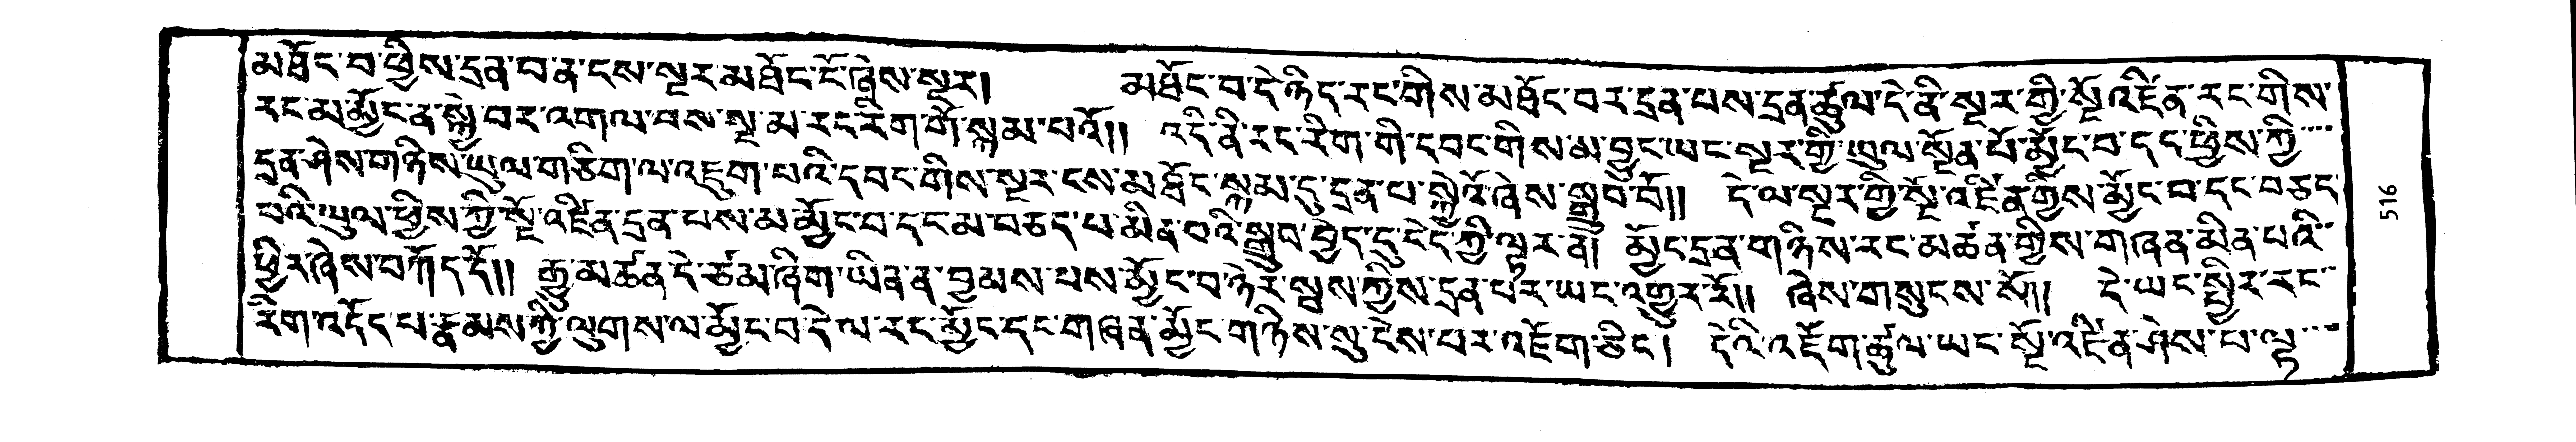མཐོང་བ་ཕྱིས་དྲན་པ་ན་ངས་སྔར་མཐོང་ངོ་ཞེས་སྔར། མཐོང་བ་དེ་ཉིད་རང་གིས་མཐོང་བར་དྲན་པས་དྲན་ཚུལ་དེ་ནི་སྔར་གྱི་སྔོ་འཛིན་རང་གིས་
རང་མ་མྱོང་ན་སྐྱེ་བར་འགལ་བས་སྔ་མ་རང་རིག་གོ་སྙམ་པའོ། །འདི་ནི་རང་རིག་གི་དབང་གིས་མ་བྱུང་ཡང་སྔར་གྱི་ཡུལ་སྔོན་པོ་མྱོང་བ་དང་ཕྱིས་ཀྱི་
དྲན་ཤེས་གཉིས་ཡུལ་གཅིག་ལ་འཇུག་པའི་དབང་གིས་སྔར་ངས་མཐོང་སྙམ་དུ་དྲན་པ་སྐྱེའོ་ཞེས་སྒྲུབ་བོ། །དེ་ལ་སྔར་གྱི་སྔོ་འཛིན་གྱིས་མྱོང་བ་དང་བཅད་
པའི་ཡུལ་ཕྱིས་ཀྱི་སྔོ་འཛིན་དྲན་པས་མ་མྱོང་བ་དང་མ་བཅད་པ་མིན་པའི་སྒྲུབ་བྱེད་དུ་ངེད་ཀྱི་ལྟར་ན། མྱོང་དྲན་གཉིས་རང་མཚན་གྱིས་གཞན་མིན་པའི་
ཕྱིར་ཞེས་བཀོད་དོ། །རྒྱུ་མཚན་དེ་ཙམ་ཞིག་ཡིན་ན་བྱམས་པས་མྱོང་བ་ཉེར་སྦས་ཀྱིས་དྲན་པར་ཡང་འགྱུར་རོ། །ཞེས་གསུངས་སོ། །དེ་ཡང་སྤྱིར་རང་
རིག་འདོད་པ་རྣམས་ཀྱི་ལུགས་ལ་མྱོང་བ་དེ་ལ་རང་མྱོང་དང་གཞན་མྱོང་གཉིས་སུ་ངེས་པར་འཇོག་ཅིང་། དེའི་འཇོག་ཚུལ་ཡང་སྔོ་འཛིན་ཤེས་པ་ལྟ་